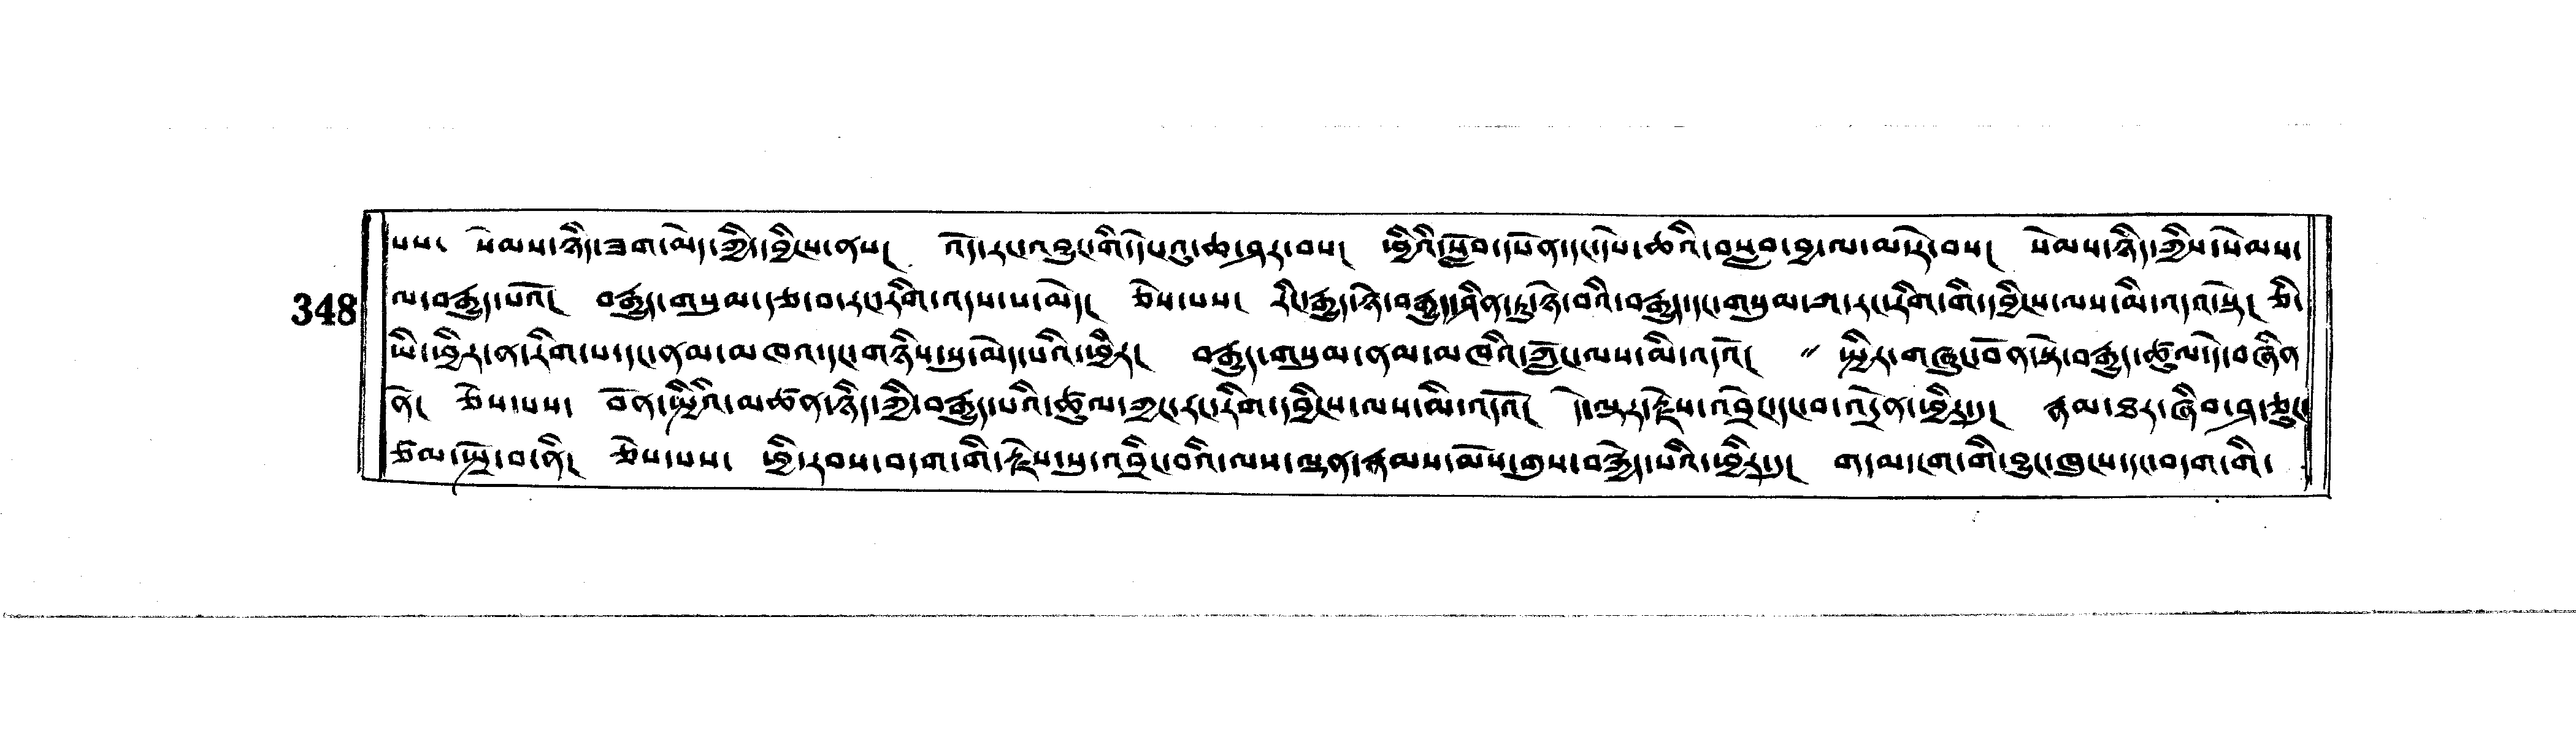པས། སེམས་ཉིད་ཟག་མེད་ཀྱི་དབྱིངས་ནས་འོད་རང་འབྱུང་གི་དཔེ་ཆ་ལ་ཤར་བས། ཕྱིའི་སློབ་དཔོན་དང་དཔེ་ཆའི་བསླབ་བྱ་ལ་མ་རེ་བས། སེམས་ཉིད་ཀྱིས་སེམས་
ལ་བརྒྱུད་པའོ། བརྒྱུད་གསུམ་རྩ་བ་རང་རིག་འདས་པ་མེད། ཅེས་པས། རིང་བརྒྱུད་ཉེ་བརྒྱུད་ཤིན་ཏུ་ཉེ་བའི་བརྒྱུད་དང་གསུམ་ཀ་རང་རིག་གི་དབྱིངས་ལས་མི་འདའ་སྟེ། ཅི་
ཡི་ཕྱིར་ན་རིག་པ་དང་ནམ་མཁའ་དང་གཉིས་སུ་མེད་པའི་ཕྱིར། བརྒྱུད་གསུམ་ནམ་མཁའི་ཀློང་ལས་མི་འདའོ། ༧ སྤྱིར་གཞུང་བོན་སྟེ་བརྒྱུད་ཚུལ་དེ་བཞིན་
ནོ། ཅེས་པས། བོན་སྤྱིའི་མཚན་ཉིད་ཀྱི་བརྒྱུད་པའི་ཚུལ་ཀྱང་རང་རིག་དབྱིངས་ལས་མིོ་འདའོ། དེ་ལྟར་རྗེས་འབྲེང་དང་བ་འདྲེན་ཕྱིར་དུ། རྣམ་ཐར་ཞིབ་ཆ་ཅུང་
ཙམ་སྤྲོ་བ་ནི། ཅེས་པས་ཕྱི་རབས་བདག་གི་རྗེས་སུ་འབྲེང་བའི་ལས་ལྡན་རྣམས་མོས་གུས་བསྐྱེད་པའི་ཕྱིར་དུ། གདམས་ངག་གི་བྱུང་ཁུངས་དང་བདག་གི་